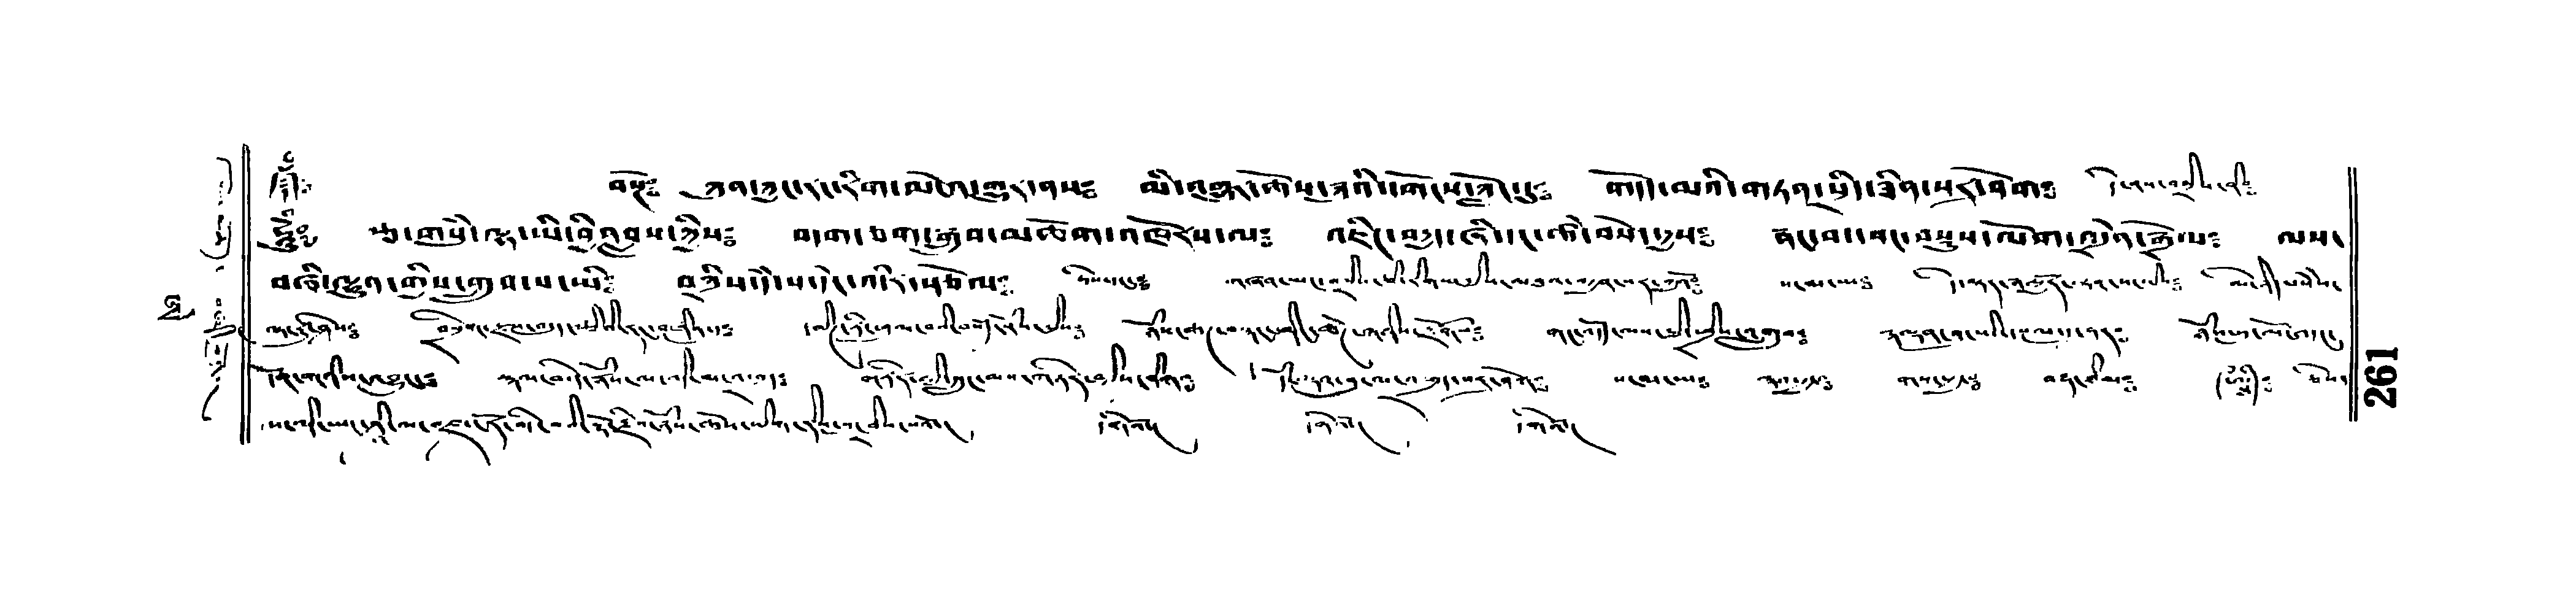བསྔོ༔ ཀུན་ཀྱང་རང་རིག་མངོན་གྱུར་ནས༔ མི་འགྱུར་ཆོས་སྐུའི་དགོངས་ཀློང་དུ༔ གདོད་མའི་གཏན་སྲིད་ཟིན་པར་ཤོག༔ དེ་ནས་བཀྲ་ཤིས་ནི༔ 
ཧཱུྃ༔ རྩ་གསུམ་ལྷ་ཡི་བྱིན་རླབས་ཀྱིས༔ བདག་ཅག་སྒྲུབ་མཆོག་འཁོར་བཅས་ལ༔ འཇིགས་བརྒྱད་ཞི་དང་ཚེ་བསོད་རྒྱས༔ སྣང་བ་དབང་བསྡུས་ལོག་འདྲེན་སྒྲོལ༔ ལས་
བཞི་ལྷུན་གྱིས་གྲུབ་པ་ཡི༔ བཀྲ་ཤིས་དམ་པ་དེང་འདིར་སྩོལ༔ ཅེས་དང༔ གཞན་ཡང་བཀྲ་ཤིས་ཅི་རིགས་ཀྱིས་མཐའ་བརྒྱན་པར་བྱའོ༔ ས་མ་ཡཿ དེ་ལྟར་རྣལ་འབྱོར་ལྡན་པ་ཡིས༔ མེ་ཉིད་ཡེ་ཤེས་
ལྷ་རུ་ཤེས༔ སྲེག་རྫས་བདུད་རྩིའི་རང་བཞིན་དུ༔ དམིགས་ཏེ་ཕུལ་བའི་བསོད་ནམས་ཀྱིས༔ ཉམས་ཆགས་བསྐང་ཞིང་ཚོགས་གཉིས་རྫོགས༔ གང་འདོད་ལས་ཀྱི་ཕྲིན་ལས་འགྲུབ༔ སྐལ་ལྡན་བུ་ཡིས་དཔལ་དུ་ཤར༔ ཉམས་སུ་ལོངས་དང་
དོན་གཉིས་འབྱུང༔ སྐལ་མེད་རྣམས་ལ་འདི་མ་འཕྲད༔ གཏེར་གྱི་སྲུང་མས་གཉེར་གྱིས་ཤིག༔ དམ་ལྡན་བུ་ལ་འཕྲད་པར་ཤོག༔ ས་མ་ཡ༔ ཟབ་རྒྱ༔ གསང་རྒྱ༔ བརྡ་ཐིམ༔ ༔ ཅེས་པ་
འདི་ཡང་ཤཱི་ལ་བཛྲ་ངོར་བདེ་བའི་རྡོ་རྗེས་ཉམས་ཆོས་ཡིག་རིས་སུ་བྲིས་པ་ དགེའོ།། དགེའོ། དགེའོ།